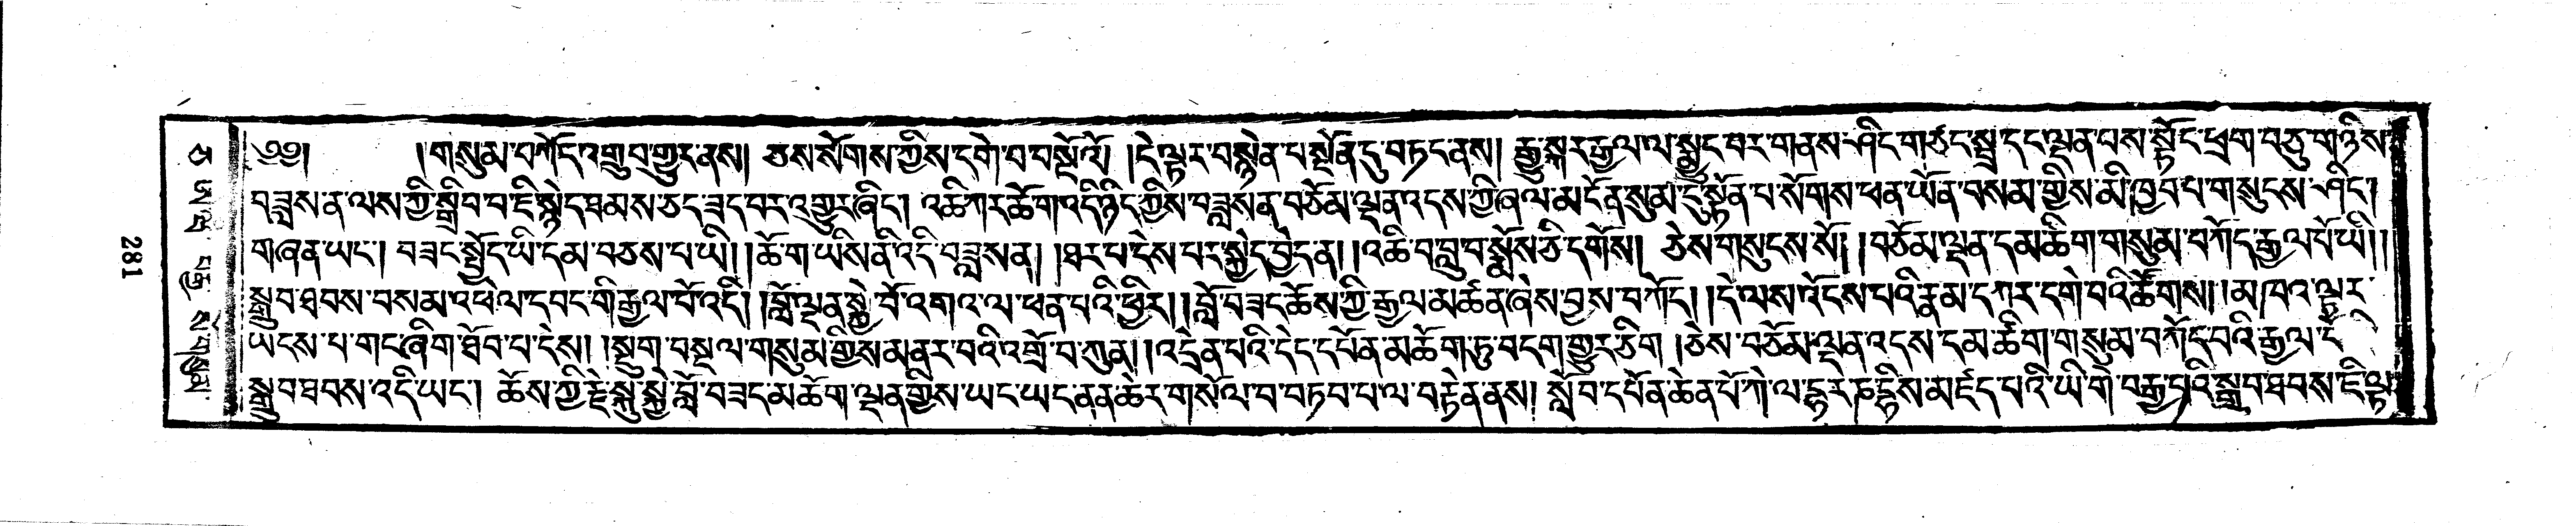༄༅། །གསུམ་བཀོད་འགྲུབ་གྱུར་ནས། ཅེས་སོགས་ཀྱིས་དགེ་བ་བསྔོའོ། །དེ་ལྟར་བསྙེན་པ་སྔོན་དུ་བཏང་ནས། རྒྱུ་སྐར་རྒྱལ་ལ་སྨྱུང་བར་གནས་ཤིང་གཙང་སྦྲ་དང་ལྡན་པས་སྟོང་ཕྲག་བཅུ་གཉིས་
བཟླས་ན་ལས་ཀྱི་སྒྲིབ་པ་ཇི་སྙེད་ཐམས་ཅད་ཟད་པར་འགྱུར་ཞིང་། འཆི་ཀར་ཆོ་ག་འདི་ཉིད་ཀྱིས་བཟླས་ན་བཅོམ་ལྡན་འདས་ཀྱི་ཞལ་མངོན་སུམ་དུ་སྟོན་པ་སོགས་ཕན་ཡོན་བསམ་གྱིས་མི་ཁྱབ་པ་གསུངས་ཤིང་།
གཞན་ཡང་། བཟང་སྤྱོད་ཡི་དམ་བཅས་པ་ཡི། །ཆོ་ག་ཡིས་ནི་འདི་བཟླས་ན། །ཐར་པ་ངེས་པར་སྐྱེད་བྱེད་ན། །འཆི་བ་བླུ་བ་སྨོས་ཅི་དགོས། ཅེས་གསུངས་སོ། །བཅོམ་ལྡན་དམ་ཚིག་གསུམ་བཀོད་རྒྱལ་པོ་ཡི། །
སྒྲུབ་ཐབས་བསམ་འཕེལ་དབང་གི་རྒྱལ་པོ་འདི། །བློ་ལྡན་སྐྱེ་བོ་འགའ་ལ་ཕན་པའི་ཕྱིར། །བློ་བཟང་ཆོས་ཀྱི་རྒྱལ་མཚན་ཞེས་བྱས་བཀོད། །དེ་ལས་འོངས་པའི་རྣམ་དཀར་དགེ་བའི་ཚོགས། །མཁའ་ལྟར་
ཡངས་པ་གང་ཞིག་ཐོབ་པ་དེས། །སྡུག་བསྔལ་གསུམ་གྱིས་མནར་བའི་འགྲོ་བ་ཀུན། །འདྲེན་པའི་དེད་དཔོན་མཆོག་ཏུ་བདག་གྱུར་ཅིག །ཅེས་བཅོམ་ལྡན་འདས་དམ་ཚིག་གསུམ་བཀོད་པའི་རྒྱལ་པོའི་
སྒྲུབ་ཐབས་འདི་ཡང་། ཆོས་ཀྱི་རྗེ་སྐུ་སྐྱེ་བློ་བཟང་མཆོག་ལྡན་གྱིས་ཡང་ཡང་ནན་ཆེར་གསོལ་བ་བཏབ་པ་ལ་བརྟེན་ནས། སློབ་དཔོན་ཆེན་པོ་ཀེ་ལ་དྷ་ར་ཎ་དྷིས་མཛད་པའི་ཡི་གེ་བརྒྱ་པའི་སྒྲུབ་ཐབས་ཇི་ལྟ་